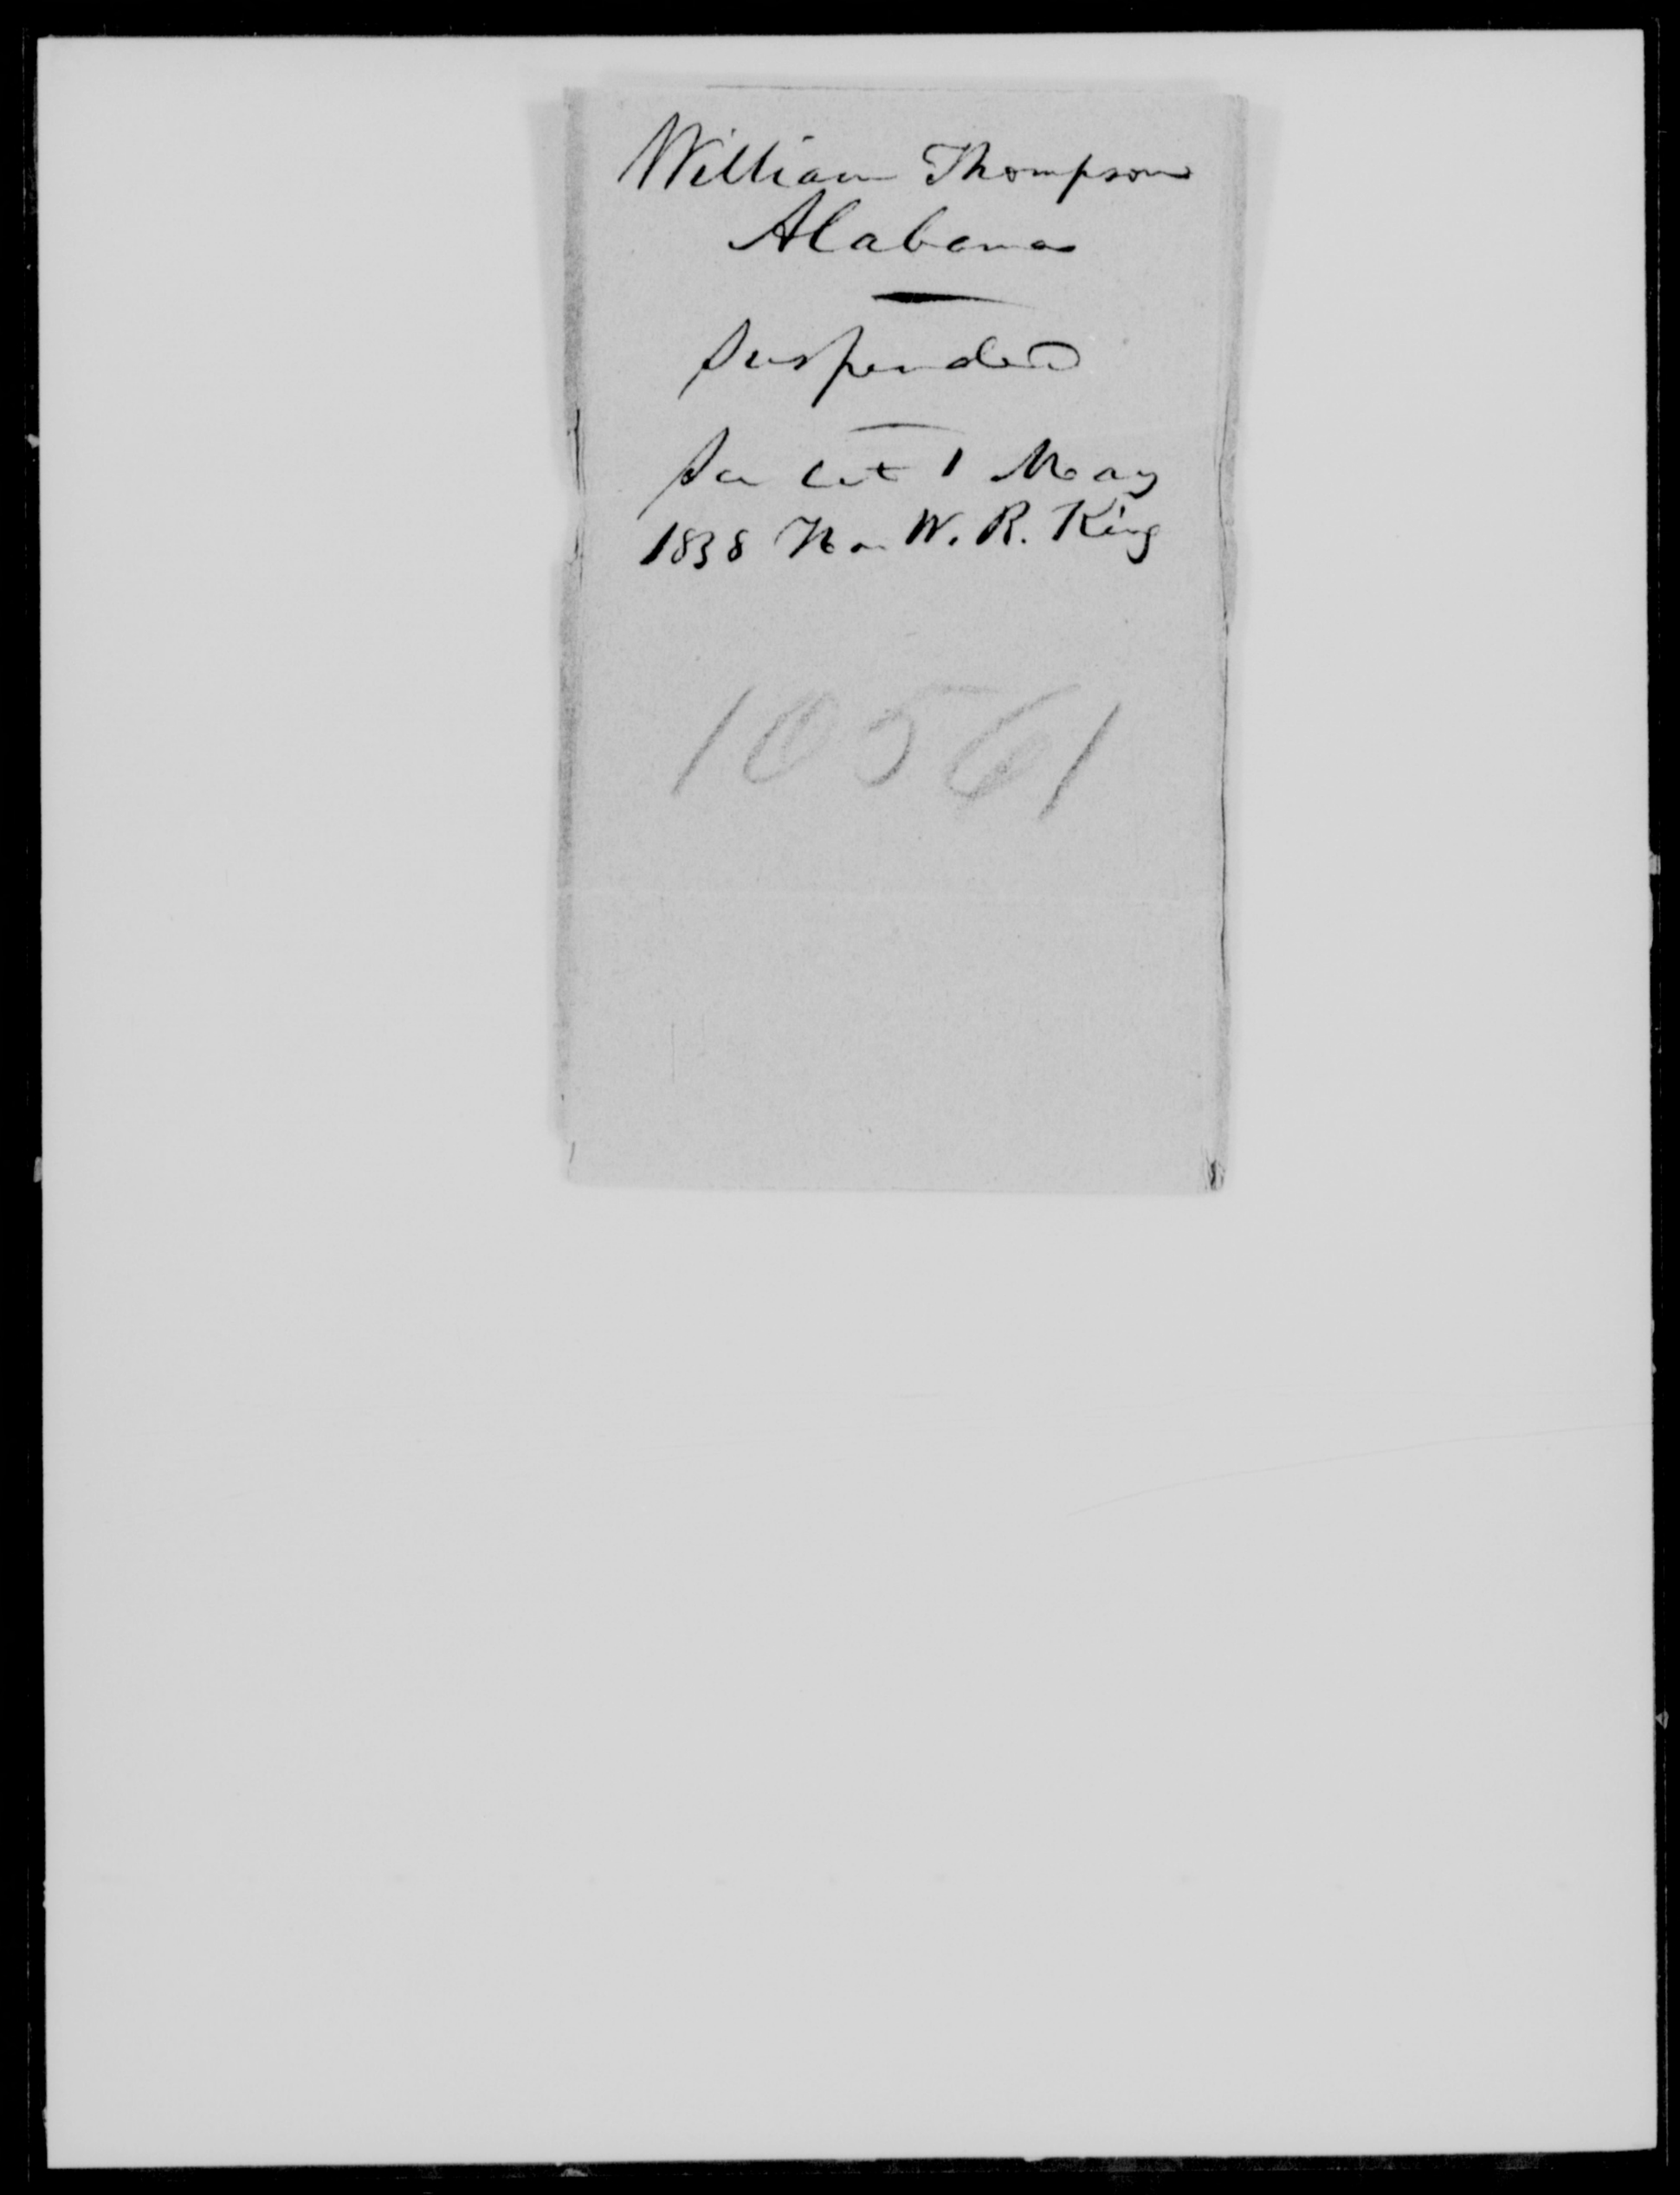William Thompson

Alabama
________

Suspended
________
[illegible] let 1 May
1838 Hon W.R. King

10561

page: 13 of 16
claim: rejected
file: R. 10561, for William Thompson, South Carolina